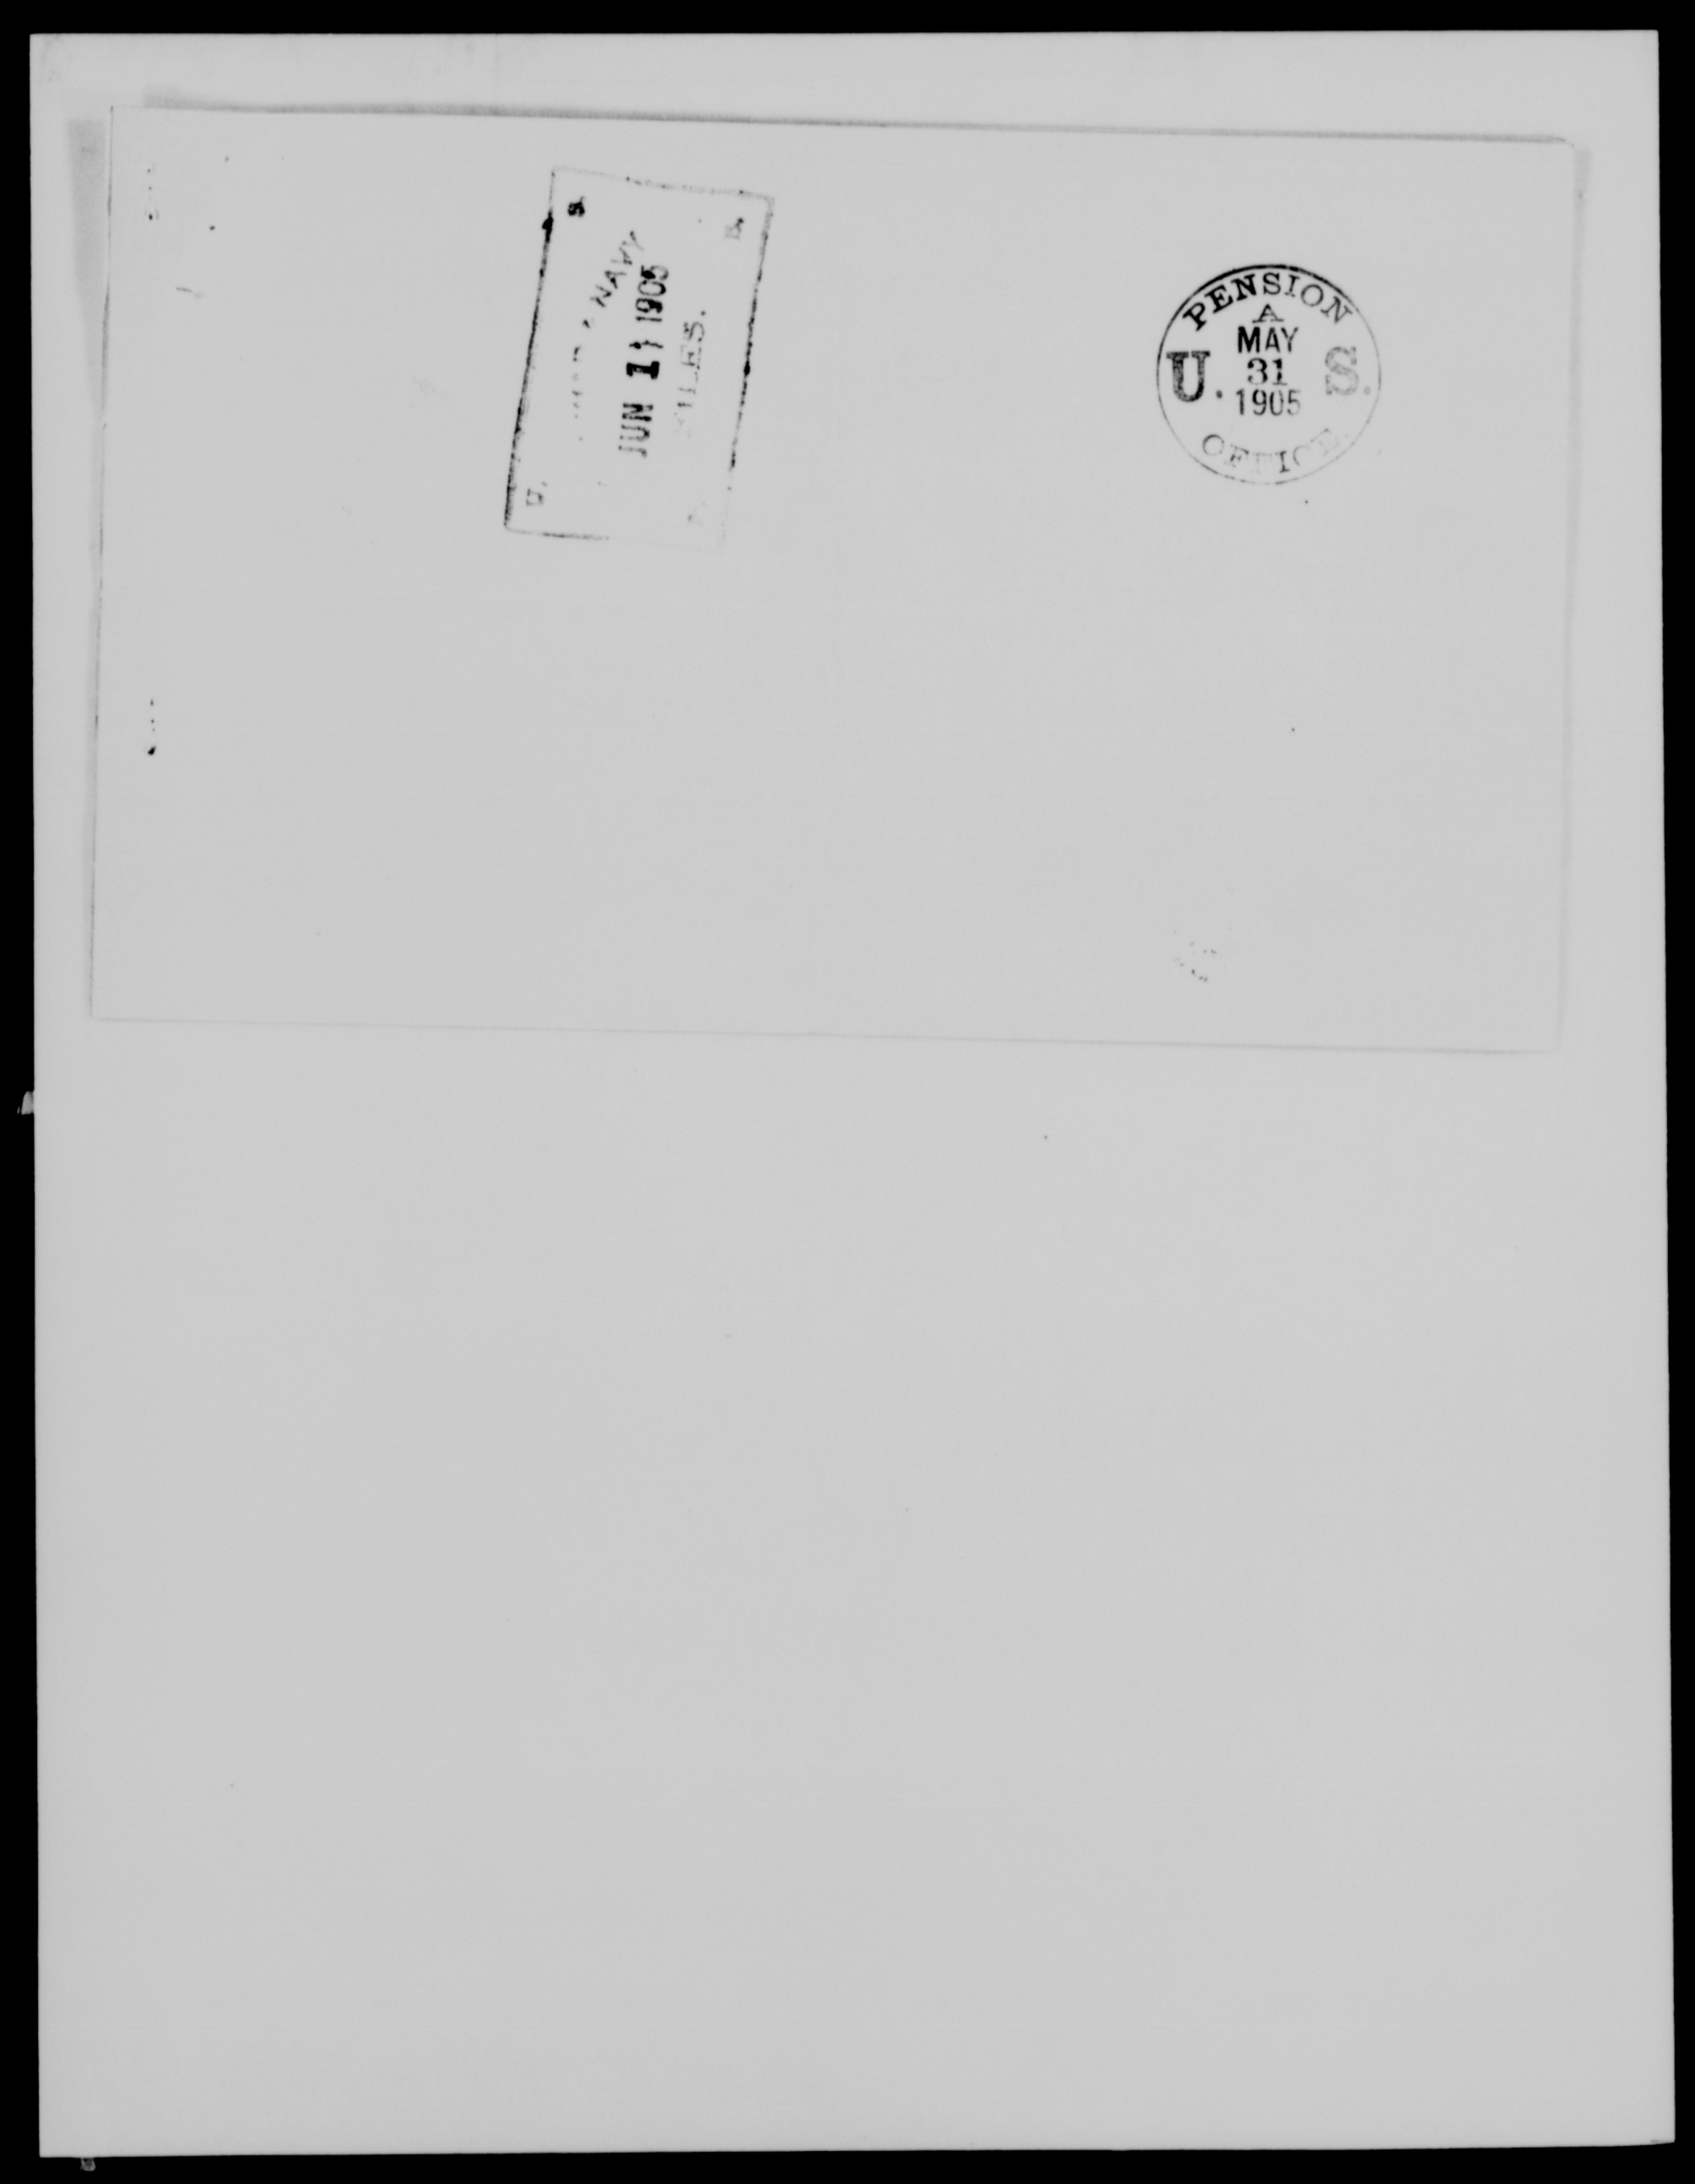U. S. [unreadable] & Navy
Jun 1 1905
?iles

U. S. Pension Office A May 31 1905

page: 41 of 46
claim: widow's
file: W. 18,417, James Willcox, Conn.